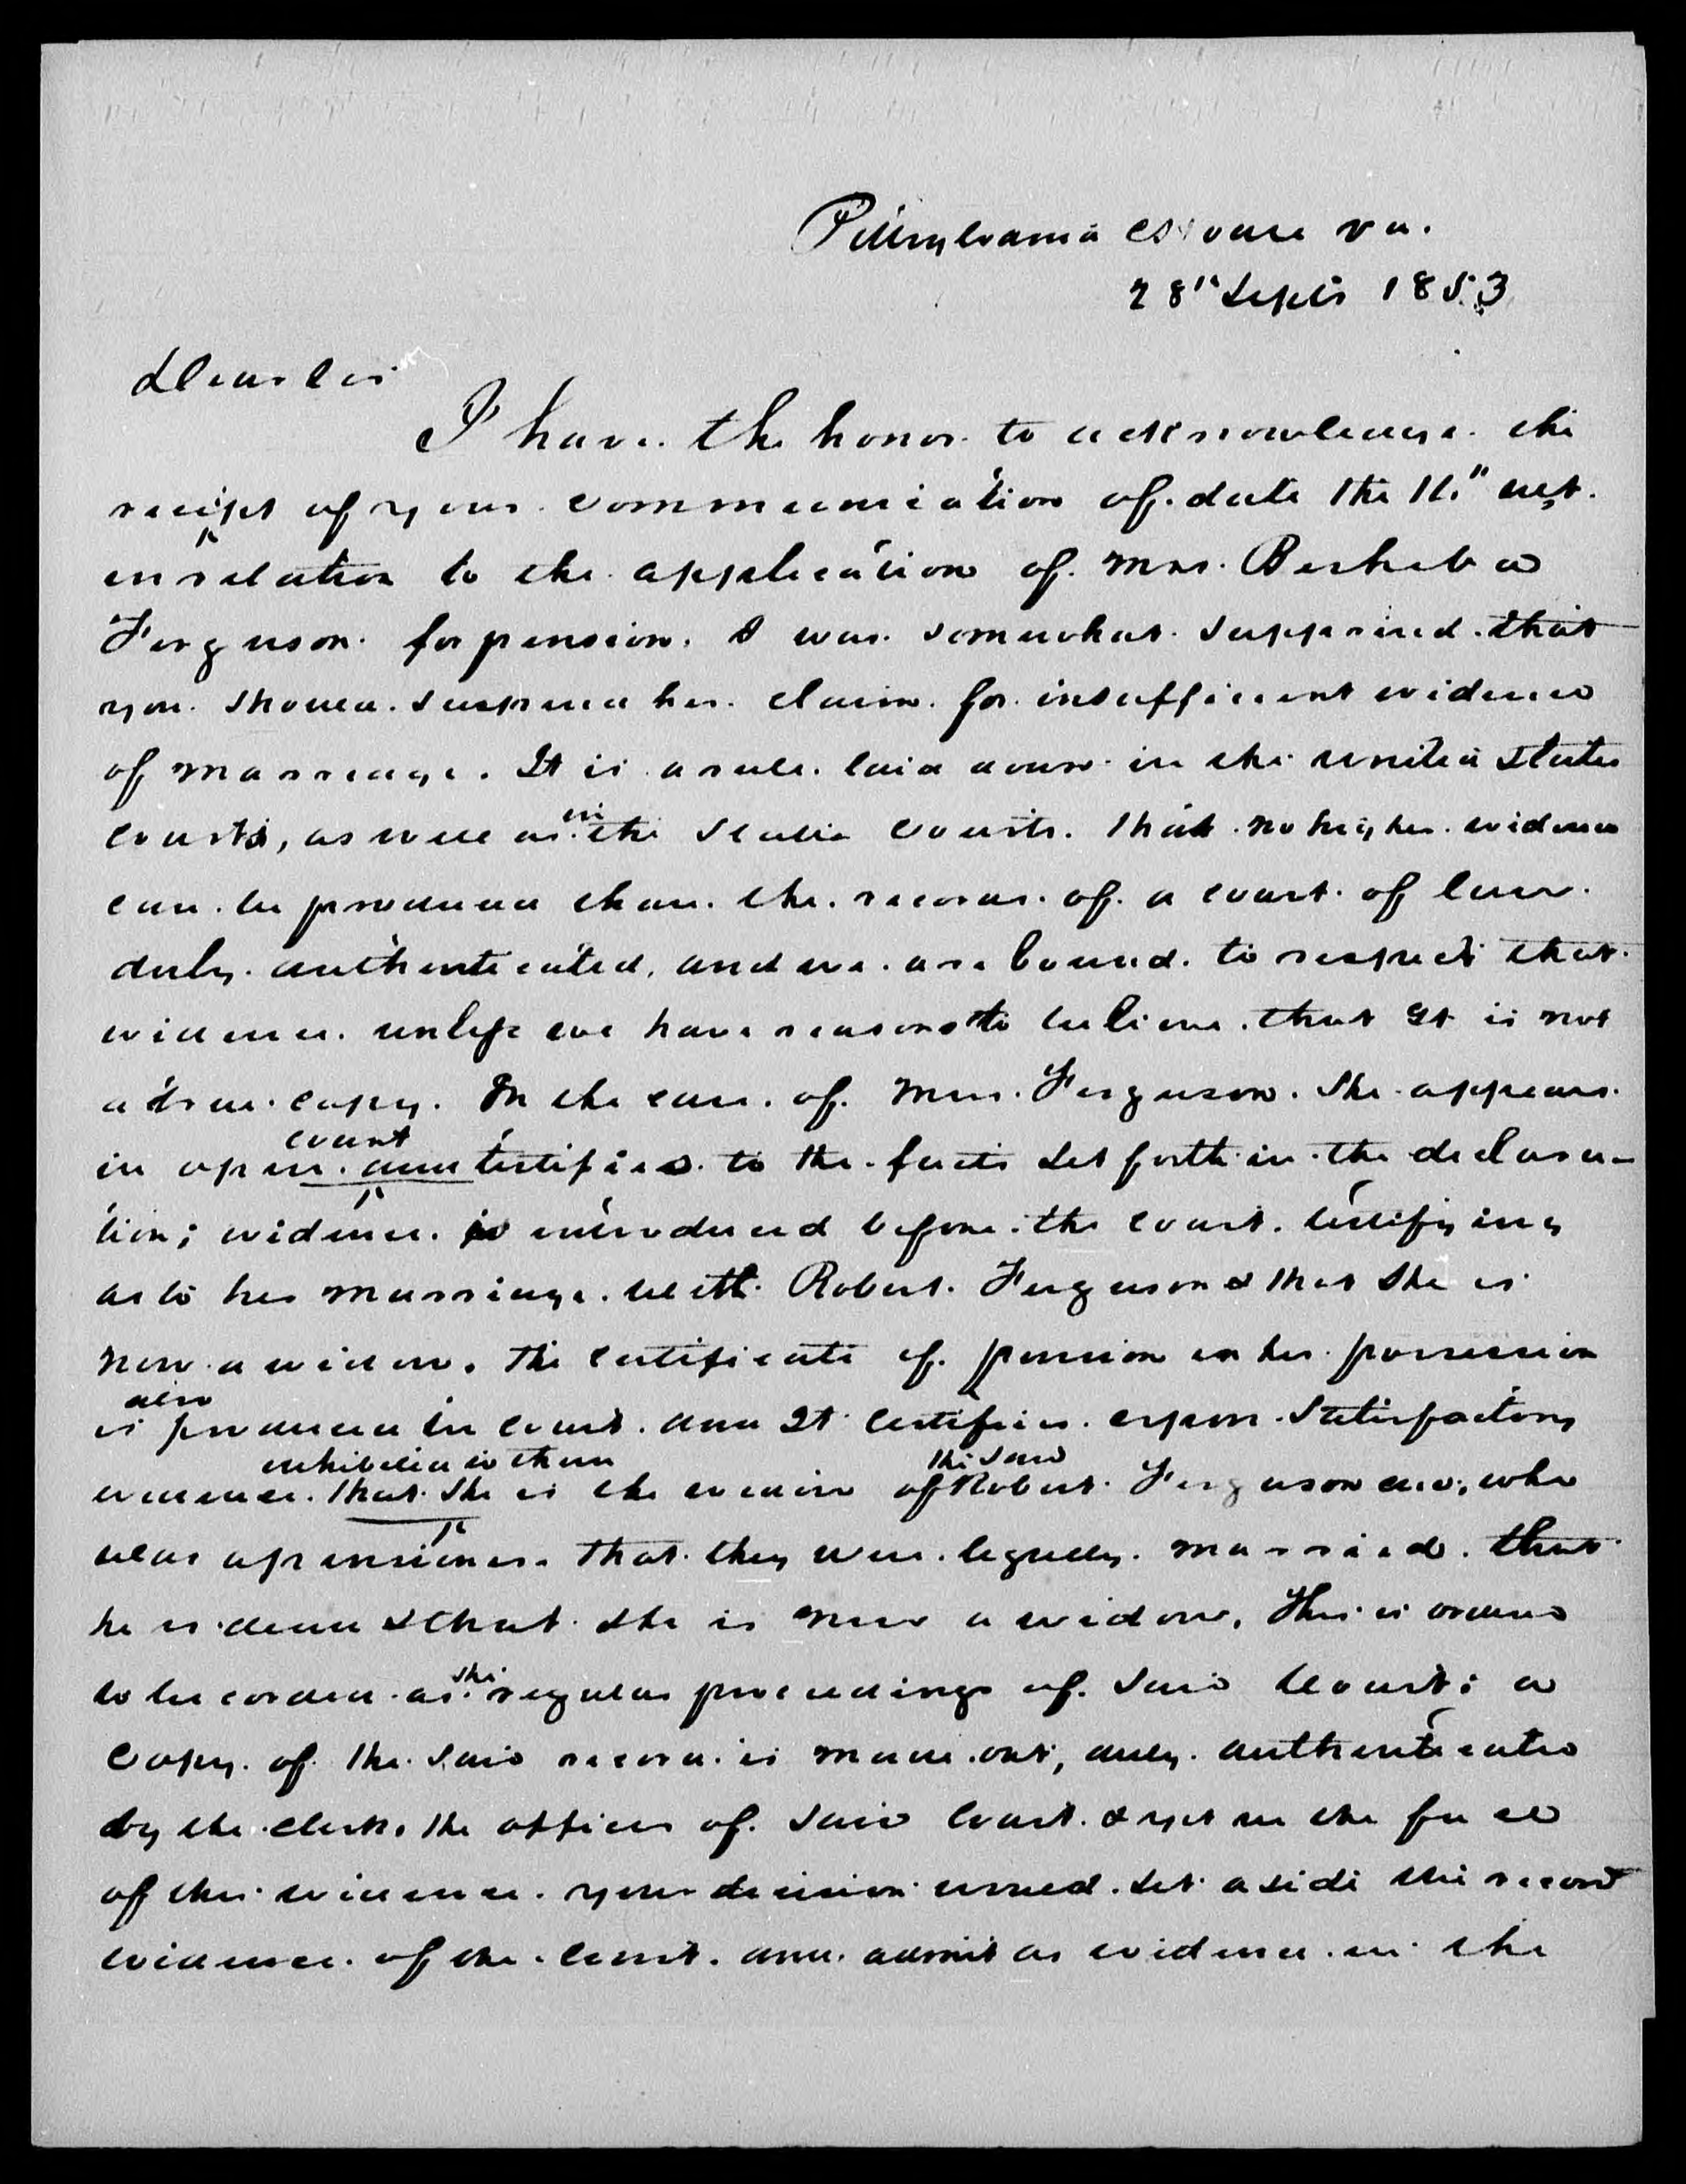Pennsylvania Co Va
28 Sept 1853
Dear Sir
I have the honor to acknowledge the
receipt of your communication of date the 11th of Sept. in relation to the application of Mrs Besheba Ferguson for pension. I was somewhat surprised that you should suspend her claim for insufficient evidence of marriage. It is a rule laid down in the United States courts, as well as the State's Courts, that no higher evidence can be produced than the record of a court of law
duly authenticated, and we are bound to respect that evidence unless we have reason to believe that it is not a true copy. In the case of Mrs Ferguson, she appears in open ^Court
and testifies to the facts set forth in the declaration, witnesses  so considered before the court testify as to her marriage with Robert Ferguson & that she is now a widow.  The certificate of pension in her possession
is also produced in Court and it certifies upon satisfactory evidence which is in there that she is the widow of the said Robert Ferguson
[illegible] who was a war pensioner, that they were legally married, that he is dead, that she is now a widow. This as occurred in the courts as
at the regular proceedings of said Court a
Copy of the said  [illegible] manuscript, duly authenticated by the clerk. The office of said court & yet in the face of this evidence, your decision would set aside this record evidence and admit as evidence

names: Ferguson, Besheba Ferguson, Robert Ferguson, Robert Ferguson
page: 57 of 81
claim: widow's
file: W. 7262, Robert Ferguson, Va.